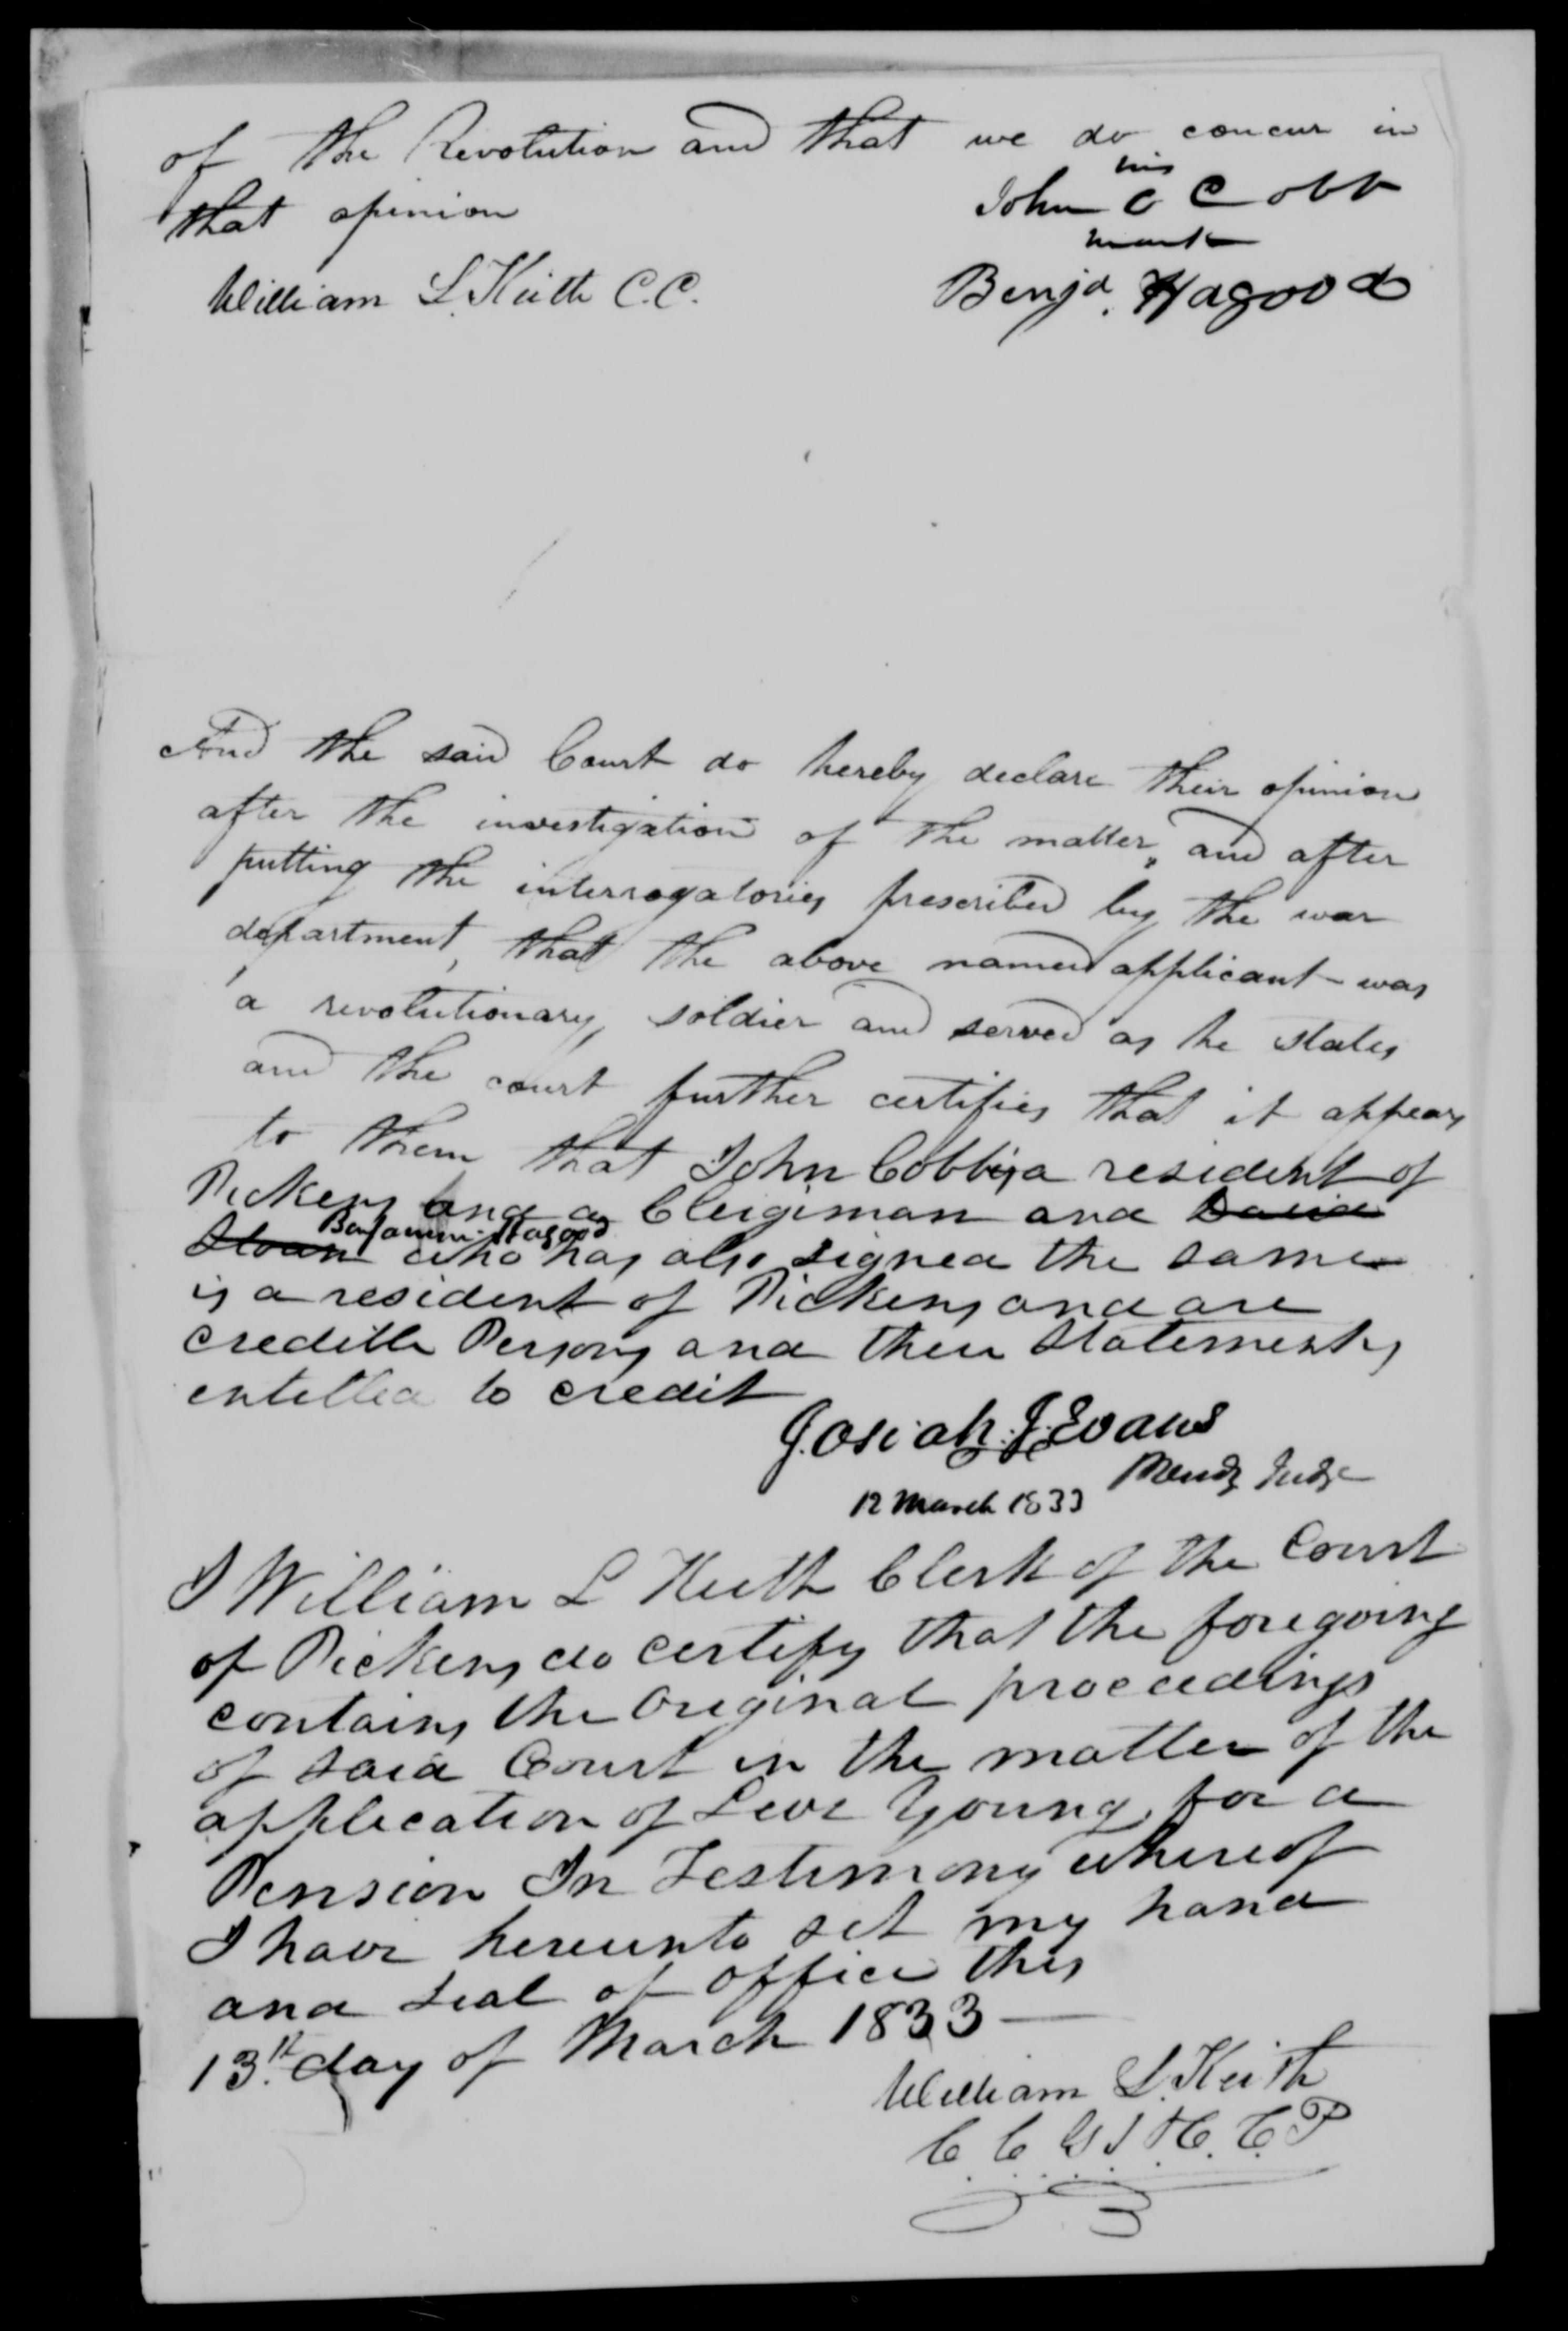of the Revolution and that we do concur in
that opinion
John (his mark) Cobb
William L. Keith C.C. [ Clerk of the Court]     Benjn. [Benjamin} Hagood (his signature)

And the said Court do hereby declare their opinion
after the investigation of the matter, and after
putting the interrogatories prescribed by the war
department, that the above named applicant was
a revolutionary soldier and served as he states
and the court further certifies that it appears
to them that John Cobb is a resident of 
Pickens and a Clergyman and David (text crossed out)
(?) (text crossed out) Benjamin Hagood who has also signed the same
is a resident of Pickens and are
credible Persons and their statements entitled to credit.
Josiah J. Evans
12 March 1833  (?) Judge

I William L Keith Clerk of the Court
of Pickens do certify that the foregoing
contains the original proceedings
of said Court in the matter of the
application of Levi Young for a
Pension In Testimony whereof
I have hereunto set my hand
and seal of office this
13th day of March 1833
William L. Keith
C.C. (?) (?) (?) C.C.P [Clerk of the Court] [Court of Common Pleas]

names: Josiah J Evans, William L Keith, Benja Hagood, John Cobb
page: 7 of 56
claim: widow's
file: W. 9040, Levi Young, Ga. New Jersey S.C.